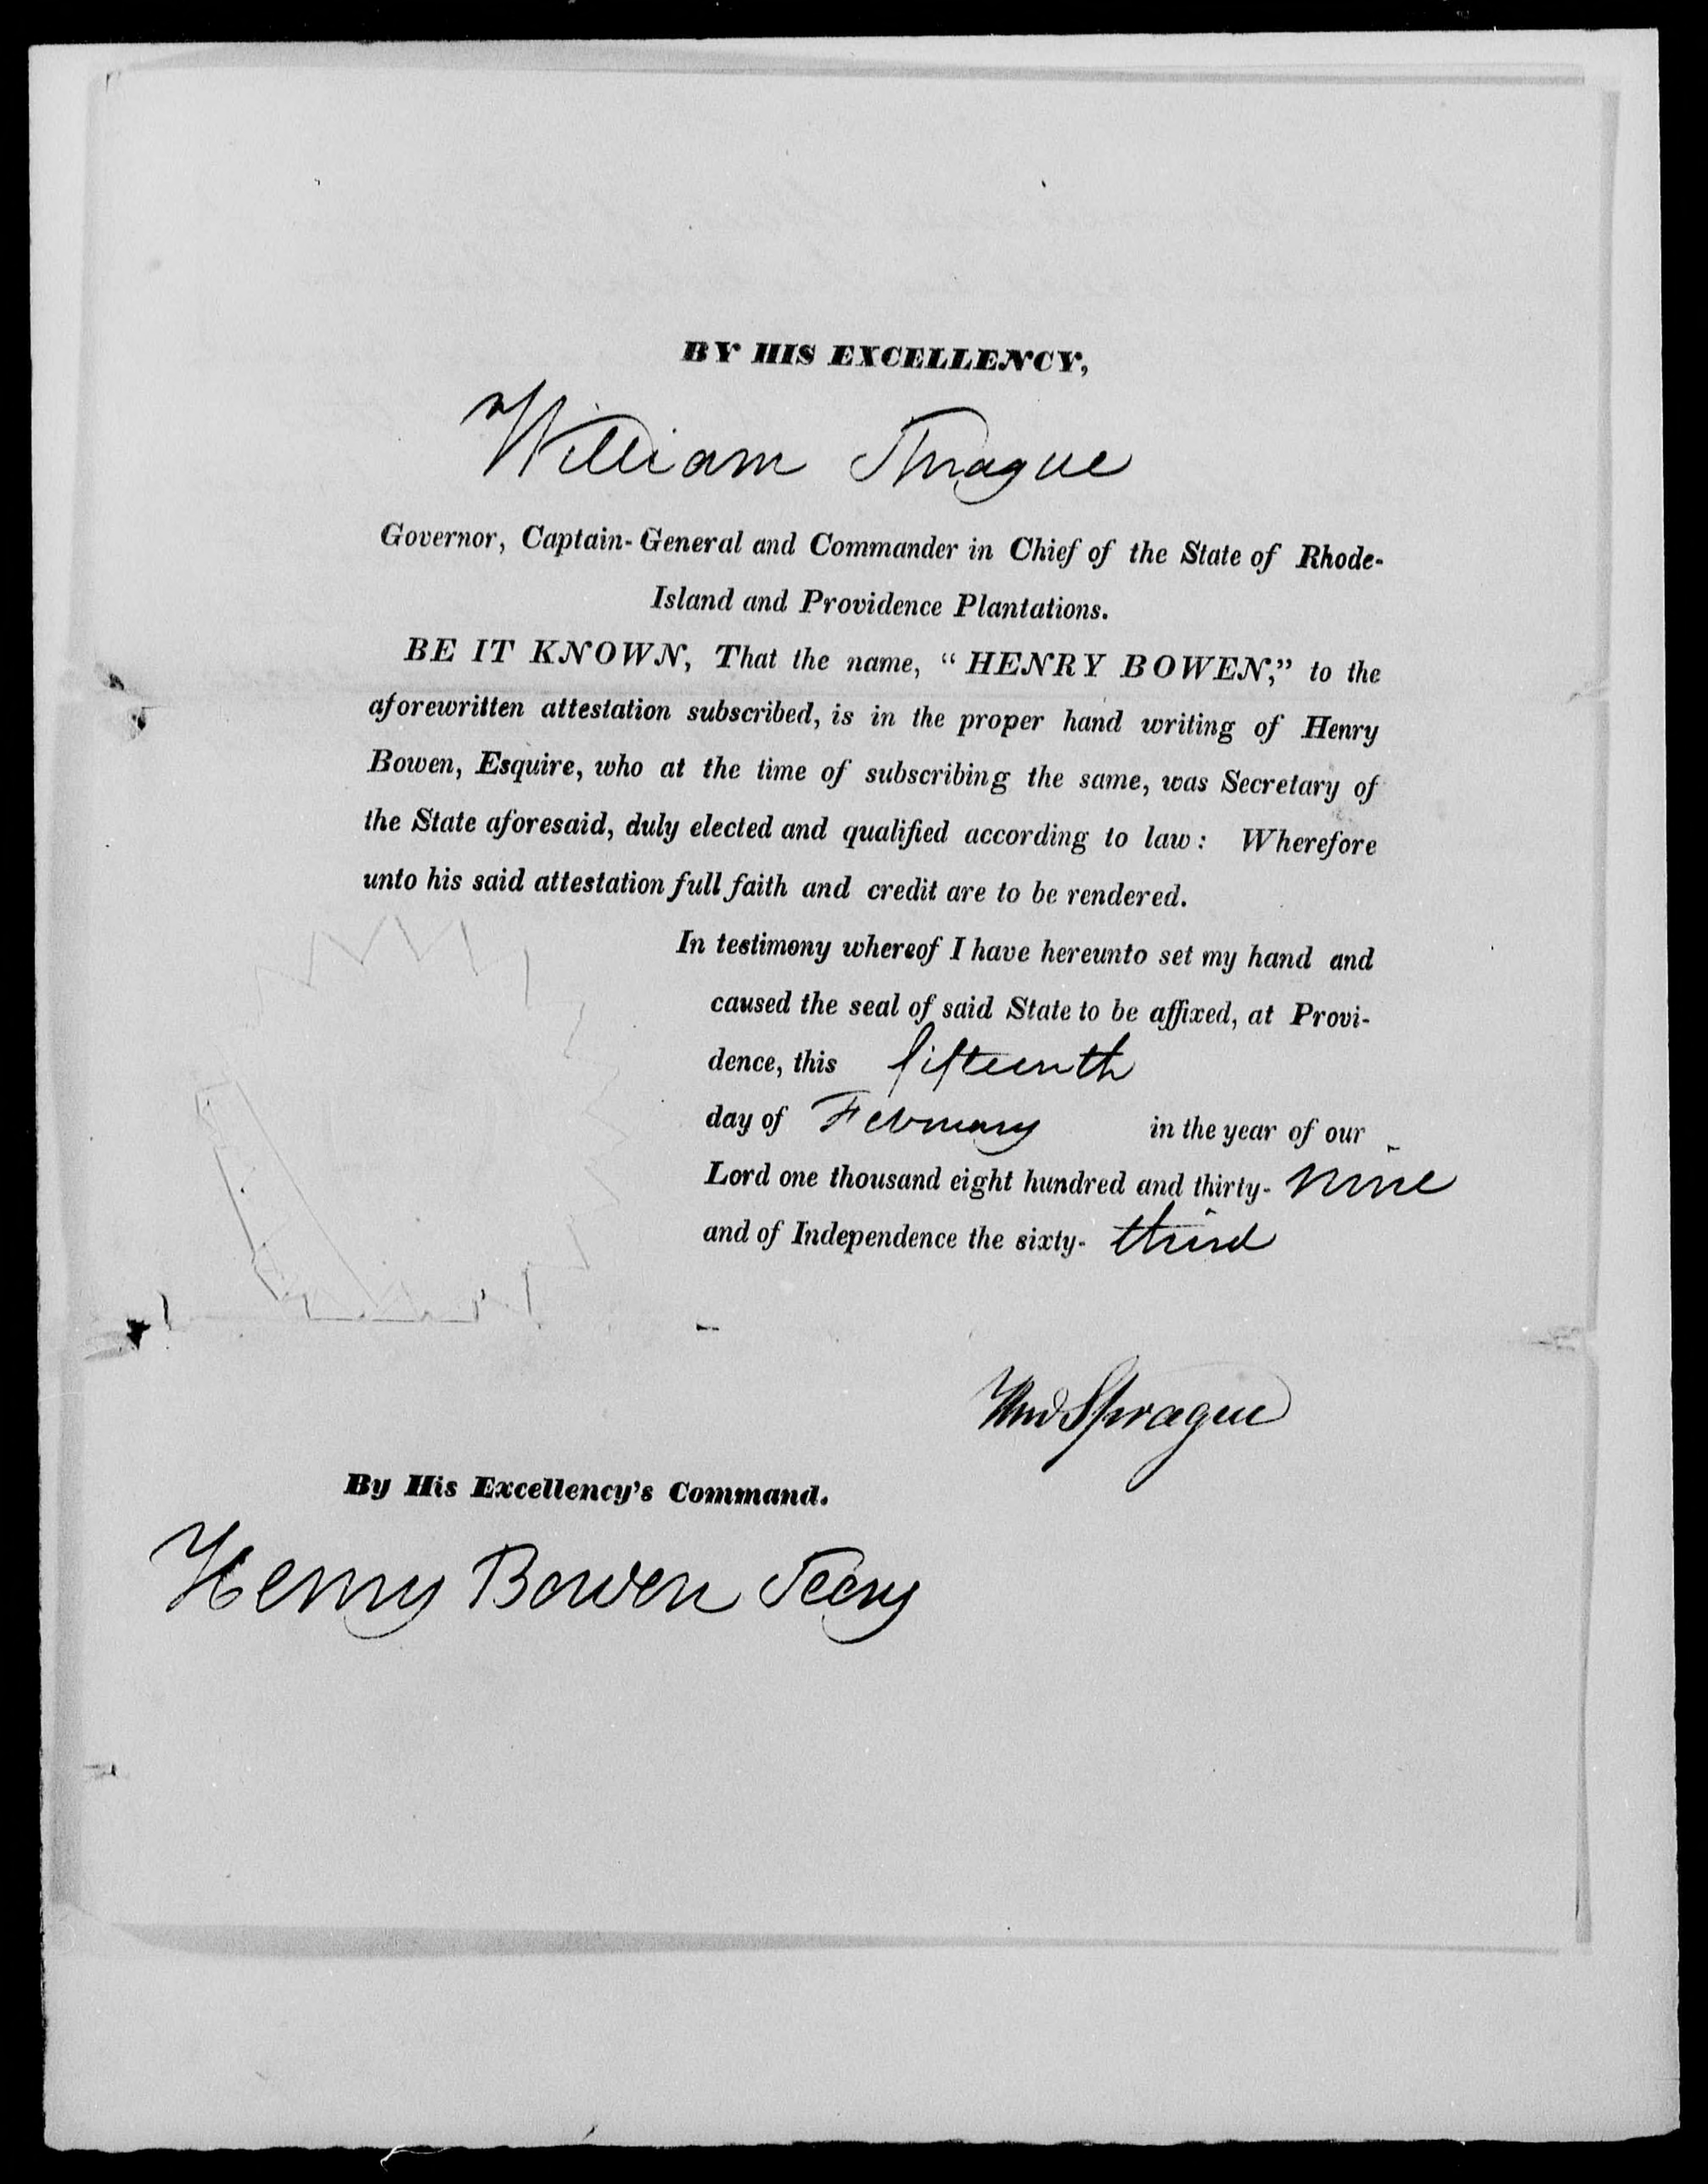By His Excellency, William Sprague Governor, Captain-General and Commander in Chief of the State of Rhode-Island and Providence Plantations.
Be it known, That the name, "Henry Bowen," to the aforewritten attestation subscribed, is in the proper hand writing of Henry Bowen, Esquire, who at the time of subscribing the same, was Secretary of the State aforesaid, duly elected and qualified according to law: Wherefore unto his said attestation full faith and credit are to be rendered.
In testimony whereof I have hereunto set my hand and caused the seal of said State to be affixed, at Providence, this fifteenth day of February in the year of our Lord one thousand eight hundred and thirty-nine and of Independence the sixty-third.
Wm Sprague

By His Excellency's Command.
Henry Bowen Secry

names: Henry Bowen, Wm Sprague, William Sprague, Henry Bowen, Henry Bowen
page: 36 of 48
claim: widow's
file: W. 17,628, Arnold Clarke, R.I.